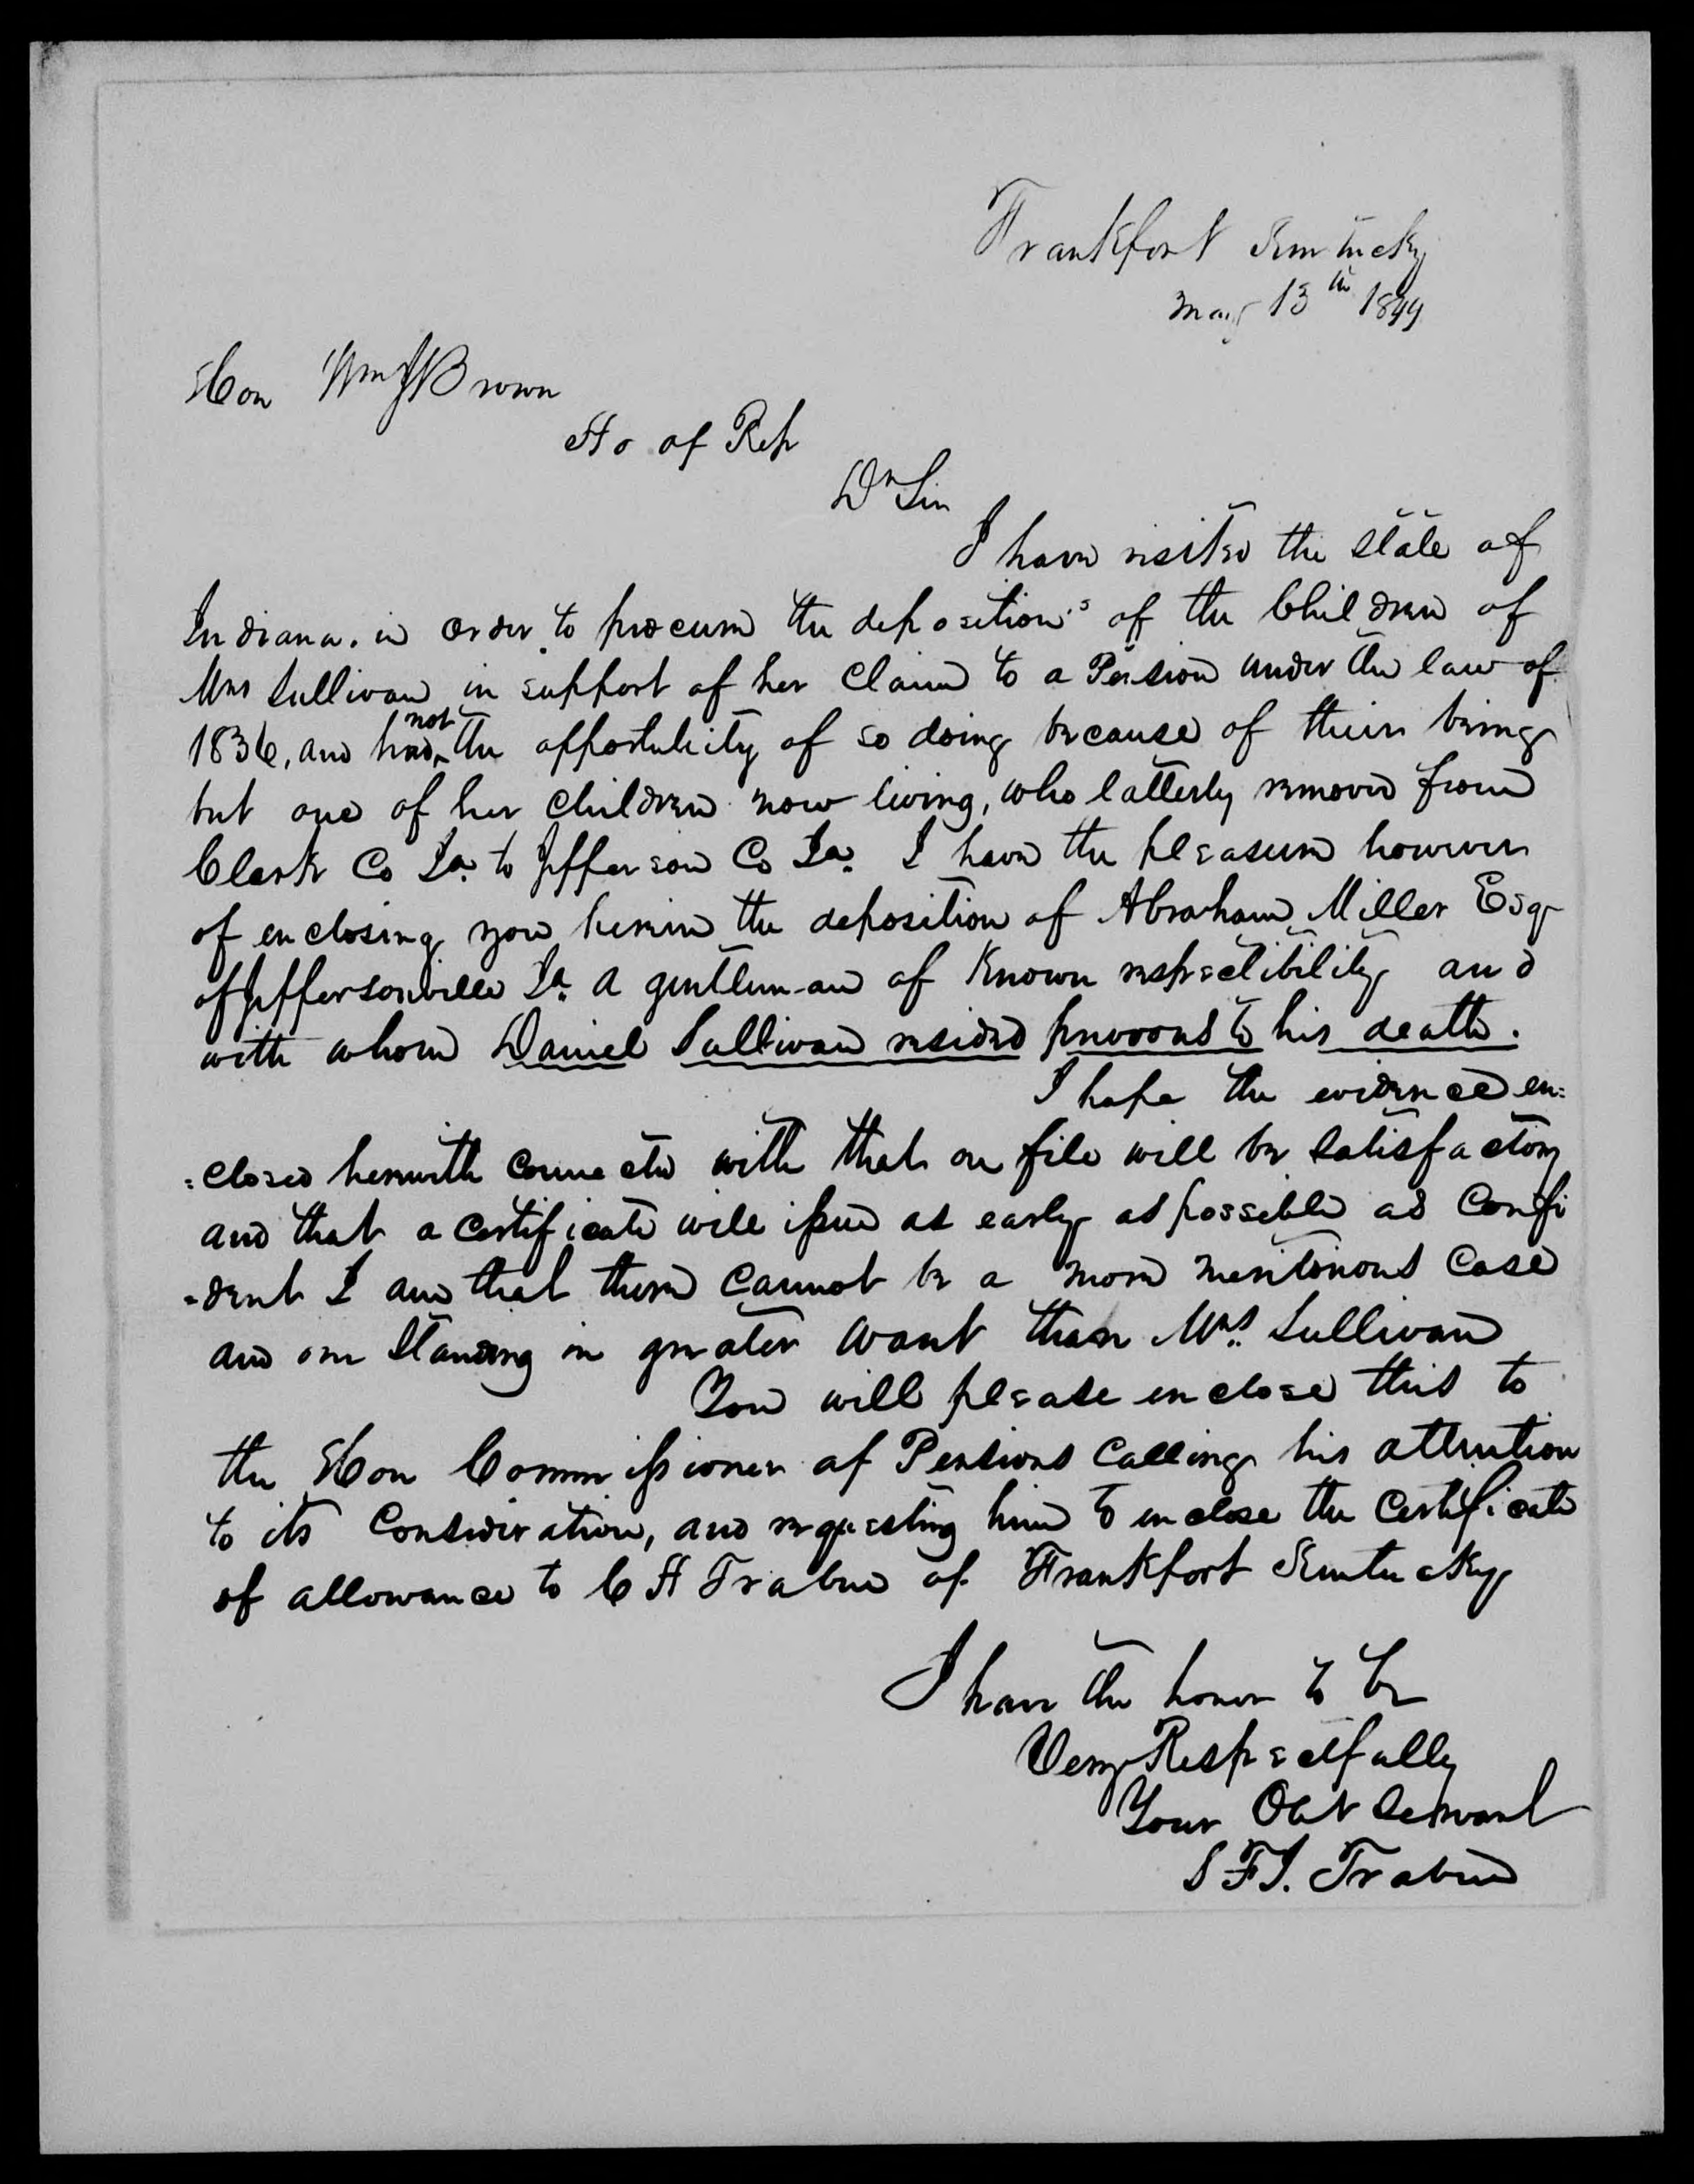Frankfort Kentucky
May 13th 1844

Hon Wm J Brown
Ho of Rep

Dr Sir

I have visited the state of Indiana, in order to procure the deposition of the children of Mrs. Sullivan in support of her claim to a Pension under the law of 1836, and had not the opportunity of so doing because of their being but one of her children now living, who latterly removed from Clerk Co La. to Jefferson Co La. I have the pleasure however of enclosing youherein the deposition of Abraham Miller Esq of Jeffersonville La. a gentleman of known respectability and with whom Daniel Sullivan resided previous to his death.

I hope the evidence enclosed herewith connected with that on file will be satisfactory and that a certificate will issue as early as possible as confident I am that there cannot be a more meritorious case and one standing in greater want than Mrs. Sullivan

You will please enclose this to the Hon Commissioner of Pensions calling his attention to its consideration, and requesting him to enclose the certificate of allowance to C H Trabue of Frankfort Kentucky

I have the honor to be
Very Respectfully
Your Obt servant
[signed] S. F. J. Trabue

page: 45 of 78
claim: widow's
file: W. 25,169, for Daniel Sullivan, Maryland